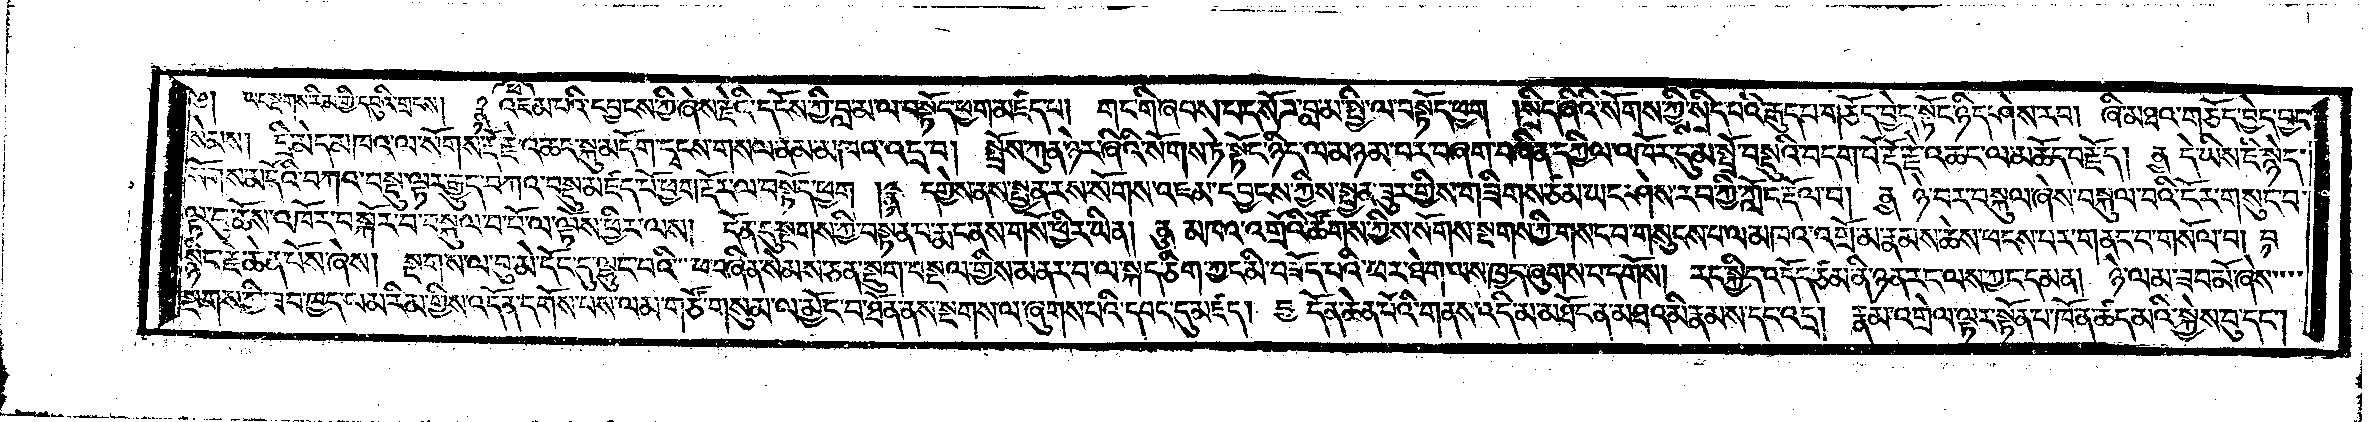༄༅། ཡང་སྔགས་རིམ་གྱི་དབུའི་གྲངས།  ༡ན༡་འཇམ་པའི་དབྱངས་ཀྱི་ཞེས་རྗེའི་དངོས་ཀྱི་བླ་མ་ལ་བསྟོད་ཕྱག་མཛད་པ། གང་གི་ཞབས་པད་སོཌ་བླ་མ་སྤྱི་ལ་བསྟོད་ཕྱག །སྲིད་ཞིའི་སོགས་ཀྱིས་སྲིད་པའི་རྒུད་པ་གཅོད་བྱེད་སྟོང་ཉིད་ཤེས་རབ། ཞི་མཐའ་གཅོད་བྱེད་བྱང་
སེམས། དྲི་མེད་མཁའ་ལ་སོགས་རྡོ་རྗེ་འཆང་སྐུ་མདོག་དྭངས་གསལ་ནམ་མཁའ་འདྲ་བ། སྤྲོས་ཀུན་ཉེར་ཞིའི་སོགས་ཏེ་སྟོང་ཉིད་ལ་མཉམ་པར་བཞག་བཞིན་དཀྱིལ་འཁོར་དུ་མ་སྤྲོ་བསྡུའི་བདག་པོ་རྡོ་རྗེ་འཆང་ལ་མཆོད་བརྗོད། ན༤་དེ་ཡིས་ཇི་སྙེད་
སེམས་མདོའི་བཀའ་བསྡུ་ལྟར་རྒྱུད་བཀའ་བསྡུ་མཛད་པོ་ཕྱག་རྡོར་ལ་བསྟོད་ཕྱག །༢ན༡་དགྱེས་ནས་སྤྱན་རས་སོགས་འཇམ་དབྱངས་ཀྱིས་སྤྱན་ཟུར་གྱིས་གཟིགས་ཙམ་ཡང་ཤེས་རབ་ཀྱི་ཀློང་རྡོལ་བ། ན༤་ཉེ་བར་བསྐུལ་ཞེས་བསྐུལ་བའི་ངོར་གསུང་བ་
ལྟ་བུ་ཆོས་འཁོར་བསྐོར་བ་བསྐུལ་པ་པོ་ལ་ལྟོས་ཕྱིར་ལས། དོན་དུ་སྔགས་ཀྱི་བསྟན་པ་རྨང་ནས་གསོ་ཕྱིར་ཡིན། ན༦་མཁའ་འགྲོའི་ཚོགས་ཀྱིས་སོགས་སྔགས་ཀྱི་གསང་བ་གསུངས་པ་ལ་མཁའ་འགྲོ་མ་རྣམས་ཆེས་ཕངས་པར་གནང་བ་གསོལ་བ། བ༡
སྙིང་རྗེ་ཆེན་པོས་ཞེས། སྔགས་ལ་བུ་མེད་དོང་དུ་ལྷུང་བའི་ཕ་བཞིན་སེམས་ཅན་སྡུག་བསྔལ་གྱིས་མནར་བ་ལ་སྐད་ཅིག་ཀྱང་མི་བཟོད་པའི་ཕར་ཐེག་ལས་ཁྱད་ཞུགས་པ་དགོས། རང་སྐྱིད་འདོད་ཙམ་ནི་ཉན་རང་ལས་ཀྱང་དམན། ཉེ་ལམ་ཟབ་མོ་ཞེས་
སྔགས་ཀྱི་ཟབ་ཁྱད་པ་མ་རིམ་གྱིས་འདོན་དགོས་པས་ལམ་གཙོ་གསུམ་ལ་མྱོང་བ་ཐོན་ནས་སྔགས་ལ་ཞུགས་པའི་དབང་དུ་མཛད། བ༤་དོན་ཆེན་པོའི་གནས་འདི་མ་མཐོང་ན་མཐའ་མི་རྣམས་དང་འདྲ། རྣམ་འགྲེལ་ལྟར་སྟོན་པ་ཁོ་ན་ཚད་མའི་སྐྱེས་བུ་དང་།